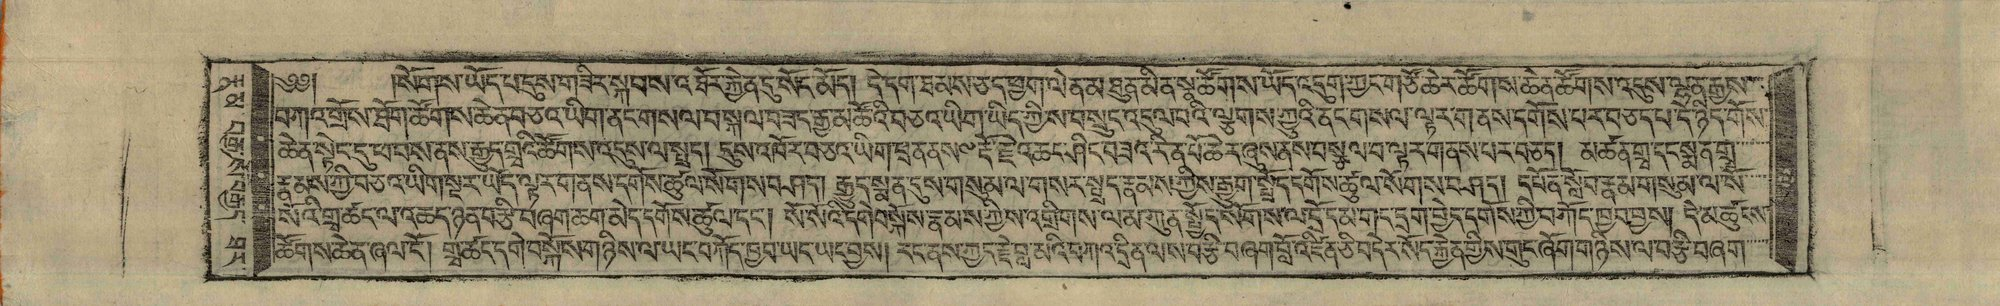༄༅། །སོགས་ཡོད་པ་དུས་གཟིར་སྐབས་འཐོར་རྐྱེན་དུ་སོང་མོད། དེ་དག་ཐམས་ཅད་ཕྱག་ལེན་མཐུན་མིན་སྣ་ཚོགས་ཡོད་འདུག་ཀྱང་གཙོ་ཆེར་ཚོགས་ཆེན་ཚོགས་འདུས་ལྷན་རྒྱས་
བཀའ་གྲོས་ཐོག་ཚོགས་ཆེན་བཅའ་ཡིག་ནང་གསལ་བསྐལ་བཟང་རྒྱ་མཚོའི་བཅའ་ཡིག་ཡིད་ཀྱིས་བསྲུང་འདུལ་བའི་ལྕགས་ཀྱུའི་ནང་གསལ་ལྟར་གནས་དགོས་པར་བཅད་པ་དེ་ཉིད་གོས་
ཆེན་སྟེང་དུ་ཕབས་ནས་རྒྱུད་གྲྭའི་ཚོགས་འདུས་ལ་སྤྲད། དུས་འཁོར་བཅའ་ཡིག་ཕྲན་ནས་༧རྡོ་རྗེ་འཆང་ཤིང་བཟའ་རིན་པོ་ཆེར་ཞུས་ནས་བསྩལ་བ་ལྟར་གནས་པར་བཅད། མཚན་གྲྭ་དང་སྨན་གྲྭ་
རྣམས་ཀྱི་བཅའ་ཡིག་སྔར་ཡོད་ལྟར་གནས་དགོས་ཚུལ་སོགས་བཤད། རྒྱུད་སྨན་དུས་གསུམ་ལ་གསར་སྤྲད་རྣམས་ཀྱིས་རྒྱུག་སྤྲོད་དགོས་ཚུལ་སོགས་བཤད། དཔོན་སློབ་རྣམ་གསུམ་ལ་སོ་
སོའི་གྲྭ་ཚང་ལ་འཆད་ཉན་བརྩི་བཞག་ཆག་མེད་དགོས་ཚུལ་དང་། སོ་སོའི་དགེ་བསྐོས་རྣམས་ཀྱིས་འགྲིགས་ལམ་ཀུན་སྤྱོད་སོགས་ལ་དྲོ་དམ་གང་དྲག་བྱེད་དགོས་ཀྱི་བཀོད་ཁྱབ་བྱས། དེ་མཚུངས་
ཚོགས་ཆེན་ཞལ་ངོ། གྲྭ་ཚང་དགེ་བསྐོས་གཉིས་ལ་ཡང་བཀོད་ཁྱབ་ཡང་ཡང་བྱས། རང་ནས་ཀྱང་རྗེ་བླ་མའི་བཀའ་དྲིན་ལས་བརྩི་བཞག་བློ་འཛིན་ཅི་བདེར་སོང་རྐྱེན་གྱིས་གུང་ཞོག་གཉིས་ལ་བརྩི་བཞག་